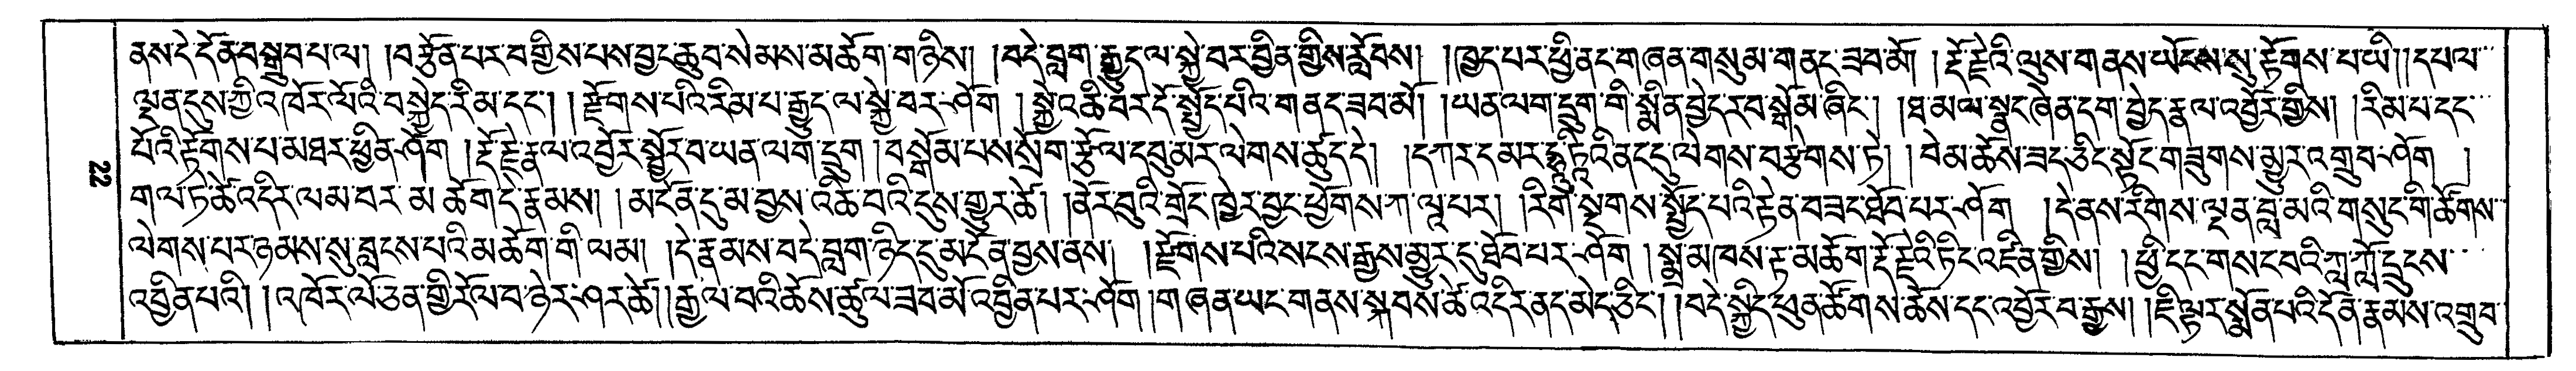ནས་དེ་དོན་བསྒྲུབ་པ་ལ། །བརྩོན་པར་བགྱིས་བས་བྱང་ཆུབ་སེམས་མཆོག་གཉིས། །བདེ་བླག་རྒྱུད་ལ་སྐྱེ་བར་བྱིན་གྱིས་རློབས། །ཁྱད་པར་ཕྱི་ནང་གཞན་གསུམ་གནད་ཟབ་མོ། །རྡོ་རྗེའི་ལུས་གནས་ཡོངས་སུ་རྟོགས་པ་ཡི། །དཔལ་
ལྡན་དུས་ཀྱི་འཁོར་ལོའི་བསྐྱེད་རིམ་དང་། །རྫོགས་པའི་རིམ་པ་རྒྱུད་ལ་སྐྱེ་བར་ཤོག །སྐྱེ་འཆི་བར་དོ་སྦྱོང་བའི་གནད་ཟབ་མོ། །ཡན་ལག་དྲུག་གི་སྨིན་བྱེད་རབ་སྒོམ་ཞིང་། །ཐ་མལ་སྣང་ཞེན་དག་བྱེད་རྣལ་འབྱོར་གྱིས། །རིམ་པ་དང་
པོའི་རྟོགས་པ་མཐར་ཕྱིན་ཤོག །རྡོ་རྗེ་རྣལ་འབྱོར་སྦྱོར་བ་ཡན་ལག་དྲུག །བསྒོམ་པས་སྲོག་རྩོལ་དབུ་མར་ལེགས་ཚུད་དེ། །དཀར་དམར་དྷཱུ་ཏཱིའི་ནང་དུ་ལེགས་བརྩེགས་ཏེ། །བེམ་ཆོས་ཟད་ཅིང་སྟོང་གཟུགས་མྱུར་འགྲུབ་ཤོག །
གལ་ཏེ་ཚེ་འདིར་ལམ་བཟང་མཆོག་དེ་རྣམས། །མངོན་དུ་མ་བྱས་འཆི་བའི་དུས་གྱུར་ཚེ། །ནོར་བུའི་གྲོང་ཁྱེར་བྱང་ཕྱོགས་ཀ་ལཱ་པར། །རིག་སྔགས་སྤྱོད་པའི་རྟེན་བཟང་ཐོབ་པར་ཤོག །དེ་ནས་རིགས་ལྡན་བླ་མའི་གསུང་གི་ཚོགས།
ལེགས་པར་ཉམས་སུ་བླངས་པའི་མཆོག་གི་ལམ། །དེ་རྣམས་བདེ་བླག་ཉིད་དུ་མངོན་བྱས་ནས། །རྫོགས་པའི་སངས་རྒྱས་མྱུར་དུ་ཐོབ་པར་ཤོག །སྨྲ་མཁས་རྟ་མཆོག་རྡོ་རྗེའི་ཏིང་འཛིན་གྱིས། །ཕྱི་དང་གསང་བའི་ཀླ་ཀློ་དྲུངས་
འབྱིན་པའི། །འཁོར་ལོ་ཅན་གྱི་རོལ་པ་ཉེར་ཤར་ཚེ། །རྒྱལ་བའི་ཆོས་ཚུལ་ཟབ་མོ་འབྱིན་པར་ཤོག །གཞན་ཡང་གནས་སྐབས་ཚེ་འདིར་ནད་མེད་ཅིང་། །བདེ་སྐྱིད་ཕུན་ཚོགས་ཆོས་དང་འབྱོར་པ་རྒྱས། །ཇི་ལྟར་སྨོན་པའི་དོན་རྣམས་འགྲུབ་